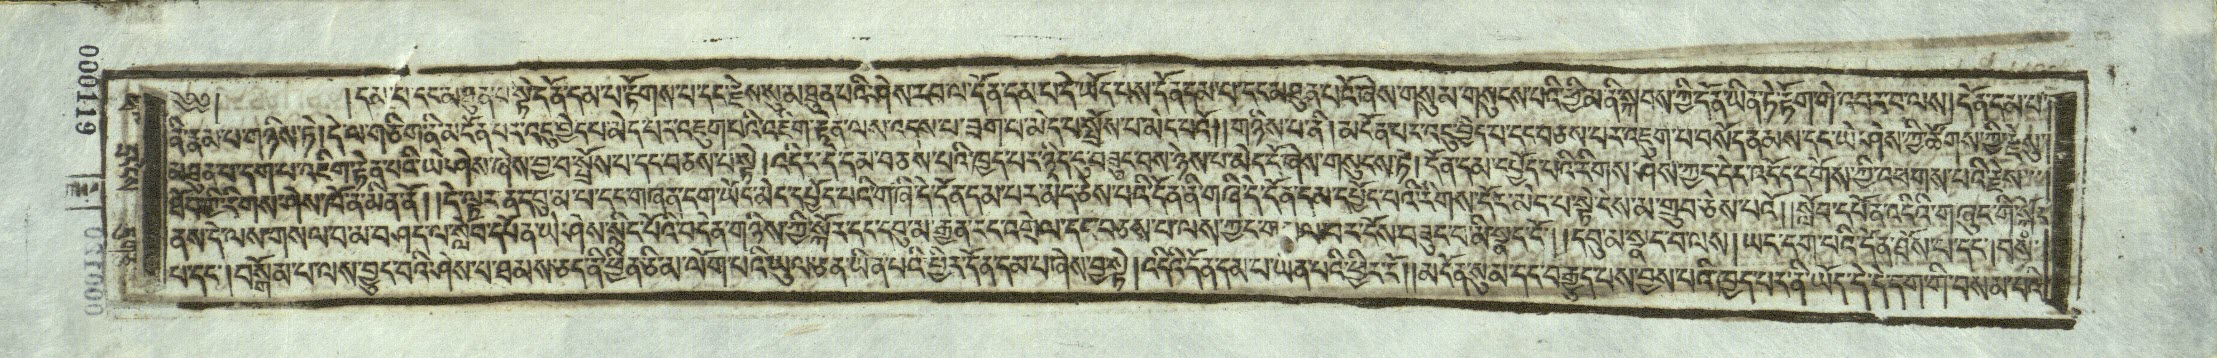༄༅། །དམ་པ་དང་མཐུན་པ་སྟེ་དོན་དམ་པ་རྟོགས་པ་དང་རྗེས་སུ་མཐུན་པའི་ཤེས་རབ་ལ་དོན་དམ་པ་དེ་ཡོད་པས་དོན་དམ་པ་དང་མཐུན་པའོ་ཞེས་གསུམ་གསུངས་པའི་ཕྱི་མ་ནི་སྐབས་ཀྱི་དན་ཡིན་ཏེ་རྟོག་གེ་འབར་བ་ལས། དོན་དམ་པ་
ནི་རྣམ་པ་གཉིས་ཏེ། དེ་ལ་གཅིག་ནི་མངོན་པར་འདུ་བྱེད་པ་མེད་པར་འཇུག་པའི་འཇིག་རྟེན་ལས་འདས་པ་ཟག་པ་མེད་པ་སྤྲོས་པ་མེད་པའོ། །གཉིས་པ་ནི། མངོན་པར་འདུ་བྱེད་པ་དང་བཅས་པར་འཇུག་པ་བསོད་ནམས་དང་ཡེ་ཤེས་ཀྱི་ཚོགས་ཀྱི་རྗེས་སུ་
མཐུན་པ་དག་པ་འཇིག་རྟེན་པའི་ཡེ་ཤེས་ཞེས་བྱ་བ་སྤྲོས་པ་དང་བཅས་པ་སྟེ། འདིར་དེ་དམ་བཅས་པའི་ཁྱད་པར་ཉིད་དུ་བཟུང་བས་ཉེས་པ་མེད་དོ་ཞེས་གསུངས་ཏེ། དོན་དམ་དཔྱོད་པའི་རིགས་ཤེས་ཀྱང་དེར་འདོད་དགོས་ཀྱི་འཕགས་པའི་རྗེས་
ཐོབ་ཀྱི་རིགས་ཤེས་ཁོ་ན་མིན་ནོ། །དེ་ལྟར་ན་དབུ་མ་པ་དང་གཞན་དག་ཡོད་མེད་དཔྱོད་པའི་གཞི་དེ་དོན་དམ་པར་མེད་ཅེས་པའི་དོན་ནི་གཞི་དེ་དོན་དམ་དཔྱོད་པའི་རིགས་ངོར་མེད་པ་སྟེ་དེས་མ་གྲུབ་ཅེས་པའོ། །སློབ་དཔོན་འདིའི་གཞུང་གི་སྐོར་
ནས་དེ་ལས་གསལ་བ་མ་བཤད་ལ་སློབ་དཔོན་ཡེ་ཤེས་སྙིང་པོའི་བདེན་གཉིས་ཀྱི་སྐོར་དང་དབུ་མ་རྒྱན་རང་འགྲེལ་དང་བཅས་པ་ལས་ཀྱང་གསལ་བར་ངོས་བཟུང་བ་མི་སྣང་ངོ། །དབུ་མ་སྣང་བ་ལས། ཡང་དག་པའི་དོན་ཐོས་པ་དང་། བསམ་
པ་དང་། བསྒོམ་པ་ལས་བྱུང་བའི་ཤེས་པ་ཐམས་ཅད་ནི་ཕྱིན་ཅི་མ་ལོག་པའི་ཡུལ་ཅན་ཡིན་པའི་ཕྱིར་དོན་དམ་པ་ཞེས་བྱ་སྟེ། འདིའི་དོན་དམ་པ་ཡིན་པའི་ཕྱིར་རོ། །མངོན་སུམ་དང་བརྒྱུད་པས་བྱས་པའི་ཁྱད་པར་ནི་ཡོད་དེ་དེ་དག་གི་བསམ་པའི་